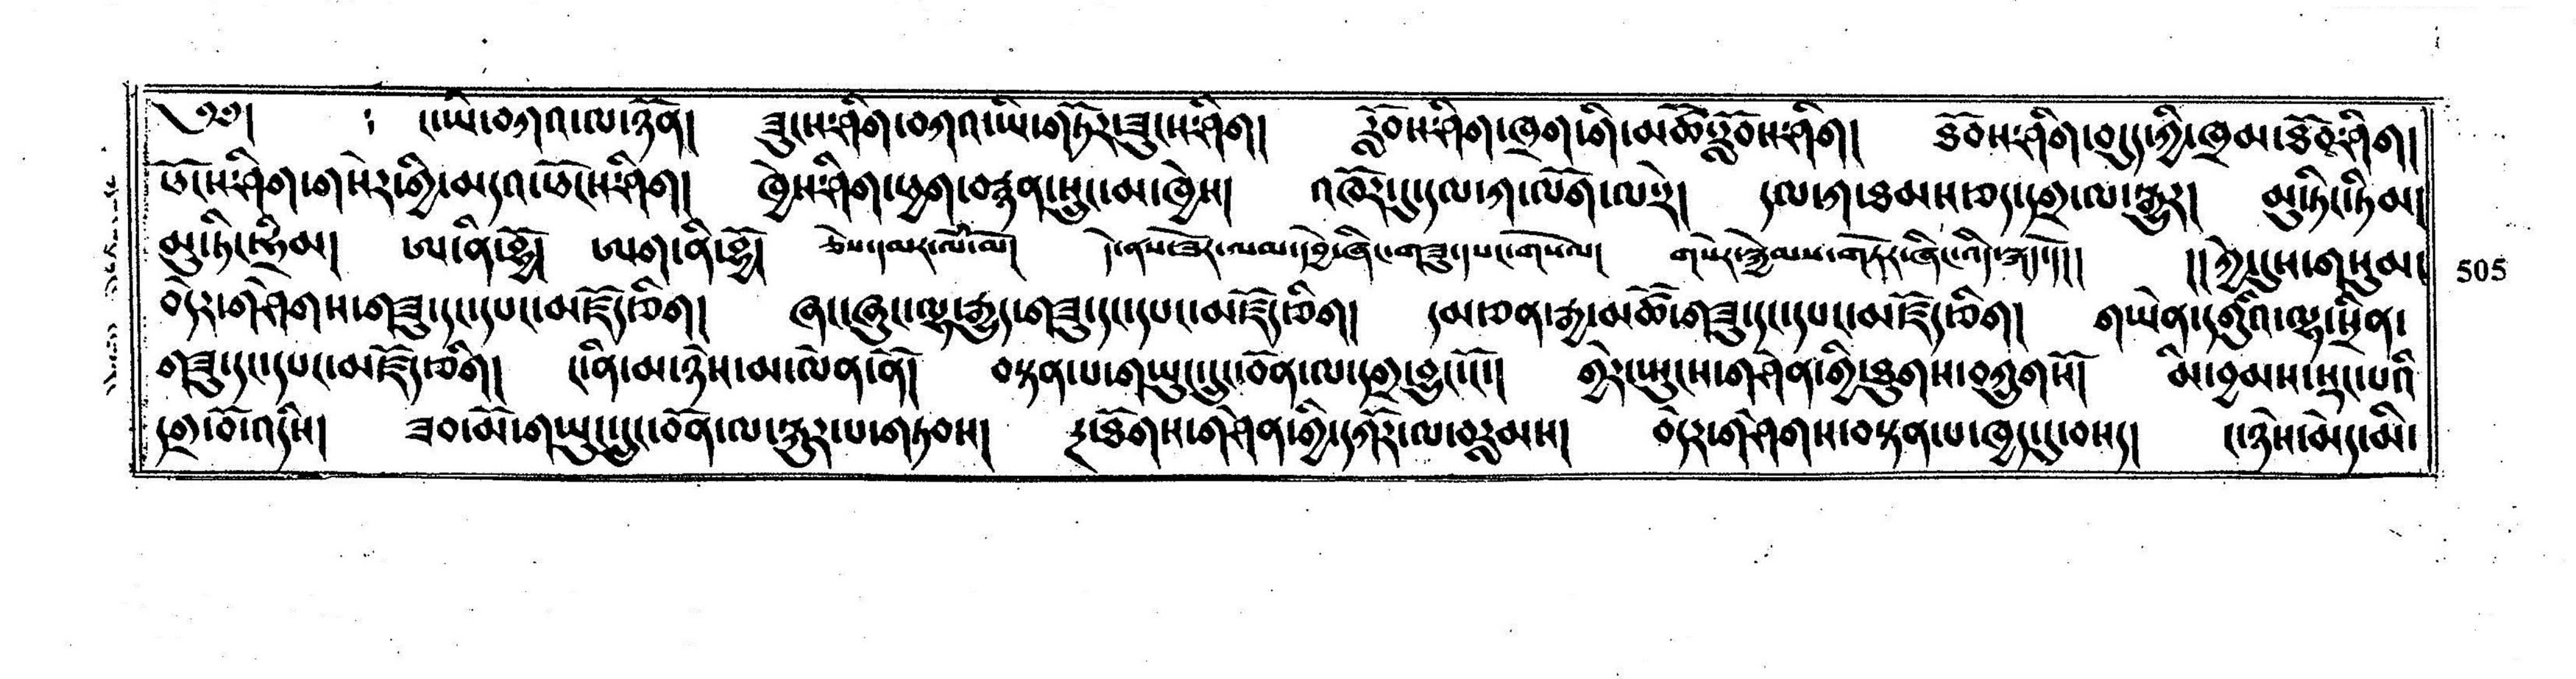ང་ཡི་བཀའ་ལ་ཉོན། ཟུངས་ཤིག་བཀའ་ཡི་གཏོར་ཟུངས་ཤིག རློབས་ཤིག་ཁྲག་གི་མཚོ་རློབས་ཤིག ཐོབས་ཤིག་བདུད་ཀྱི་ཁྲམ་ཐོབས་ཤིག། 
ཕོངས་ཤིག་གསེར་གྱི་{519}མདའ་ཕོངས་ཤིག ཁྱེས་ཤིག་ཕྱག་བརྙན་སྲུང་མ་ཁྱེས། འཁོར་དུ་དལ་ཀ་ལོག་ལ་རེ། དལ་ཀ་ཐམས་ཅད་དགྲ་ལ་སྒྱུར། མུ་ཏིང་ཏིམ། 
མུ་ཏིང་ཧྲིམ། ཨ་ནི་བྷྱོ། ཨག་ནི་བྷྱོ། ཅེས་དམར་ལམ་མོ། དེ་ནས་ཟོར་ལམ་དབྱེ་ཞིང་གཟུ་དཔང་གསོལ། གསེར་སྐྱེམས་གཏོར་ཞིང་འདི་སྐད་དོ། །།ཀྱེ་དུས་གསུམ་
བདེར་གཤེགས་གཟུ་དང་དཔང་མཛོད་ཅིག ཞང་ཞུང་ལྷ་རྒྱུད་གཟུ་དང་དཔང་མཛོད་ཅིག དམ་ཅན་རྒྱ་མཚོ་གཟུ་དང་དཔང་མཛོད་ཅིག གཡེན་དགུའི་ལྷ་སྲིན་
གཟུ་དང་དཔང་མཛོད་ཅིག ང་ནི་མ་ཉེས་མ་ལེན་ནོ། བསྟན་པ་གཡུང་དྲུང་བོན་ལ་དགྲ་བྱུང་ངོ་། གྱེར་སྤུངས་གཤེན་གྱི་ཐུགས་དཀྲུགས་སོ། མི་བྱམས་སྡང་པའི་
དགྲ་བོ་འདིས། ཟབ་མོ་གཡུང་དྲུང་བོན་ལ་སྐུར་པ་གཏབ། རྔ་ཐོགས་གཤེན་གྱི་དཀོར་ལ་བརླམས། བདེར་གཤེགས་བསྟན་པ་ཁྱད་དུ་བསད། ང་ཉེས་མེད་མི་